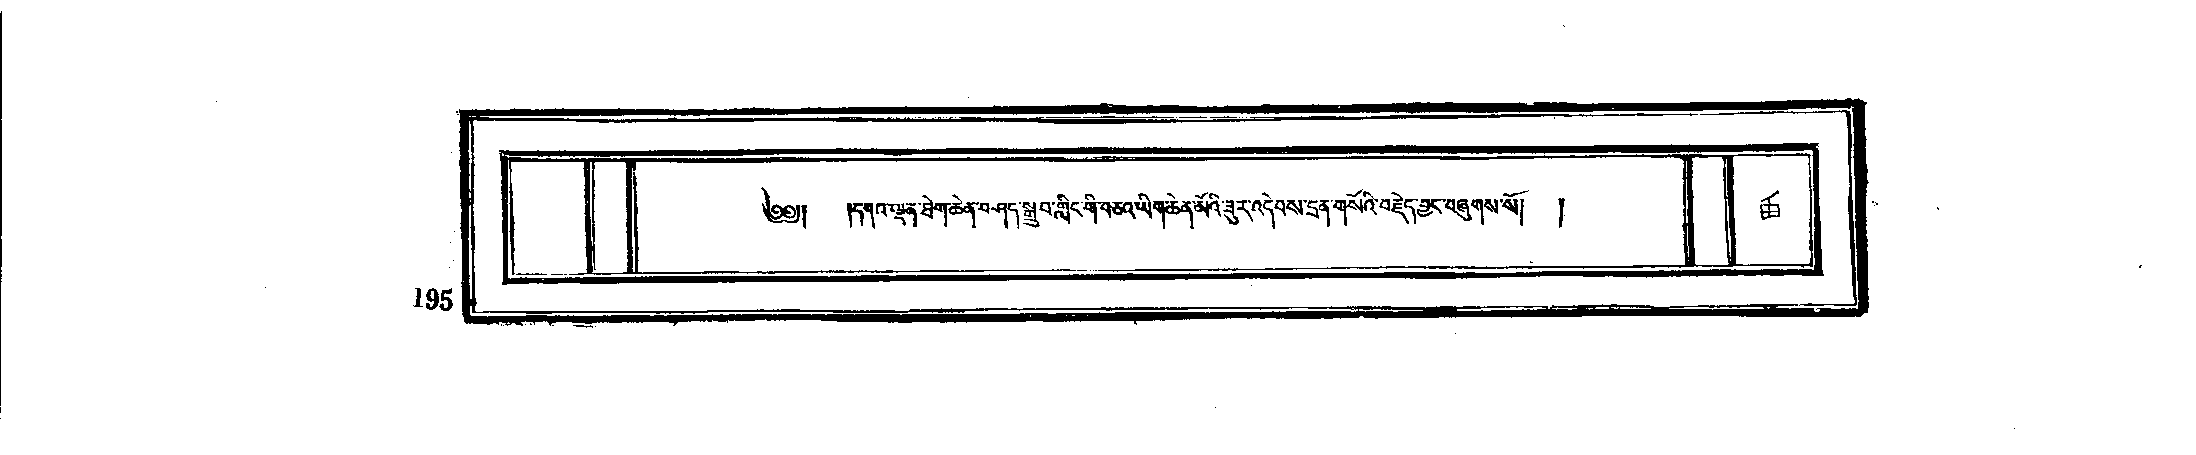༄༅། །དགའ་ལྡན་ཐེག་ཆེན་བཤད་སྒྲུབ་གླིང་གི་བཅའ་ཡིག་ཆེན་མོའི་ཟུར་འདེབས་དྲན་གསོའི་བརྗེད་བྱང་བཞུགས་སོ། །